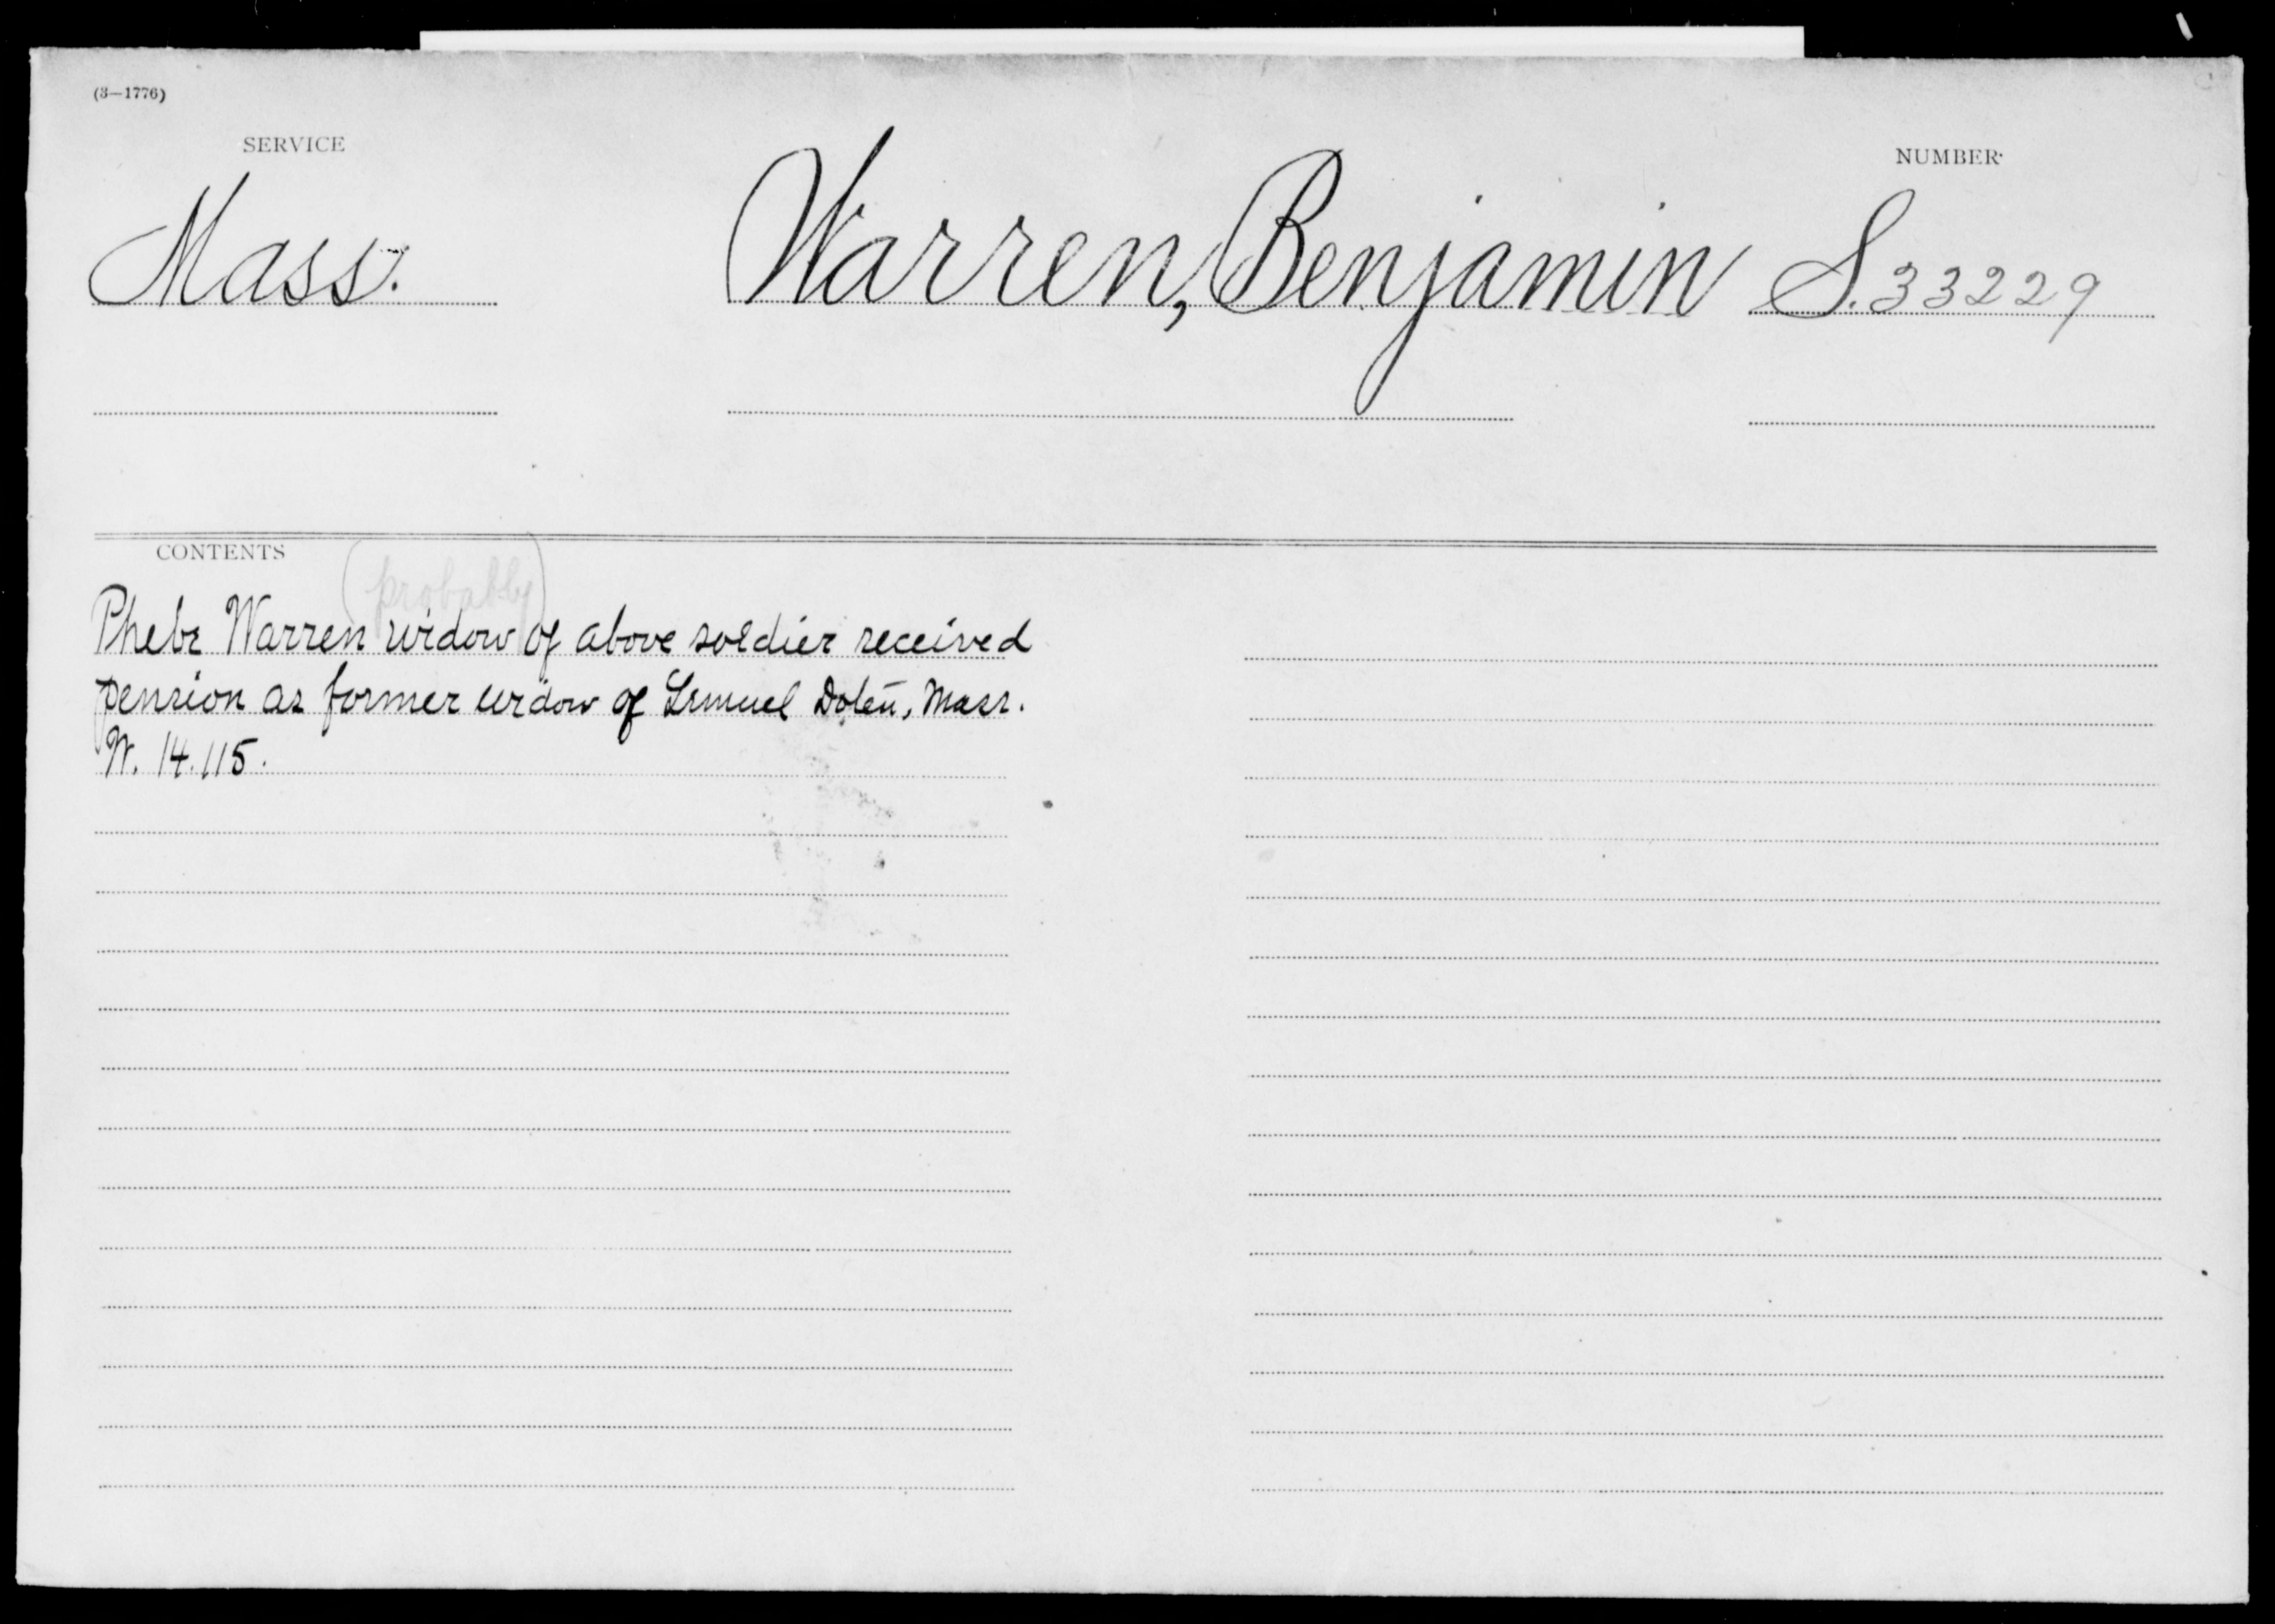Warren, Benjamin
(3-1776)
Service Mass.
Number S.33228

Contents 
(probably) Phebe Warren widow of above soldier received pensions as former widow of Lemuel Dolen, Mass. W14.115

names: Lemuel Doten, Phebe Warren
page: 1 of 16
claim: survivor's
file: S. 33229, Benjamin Warren, Mass.